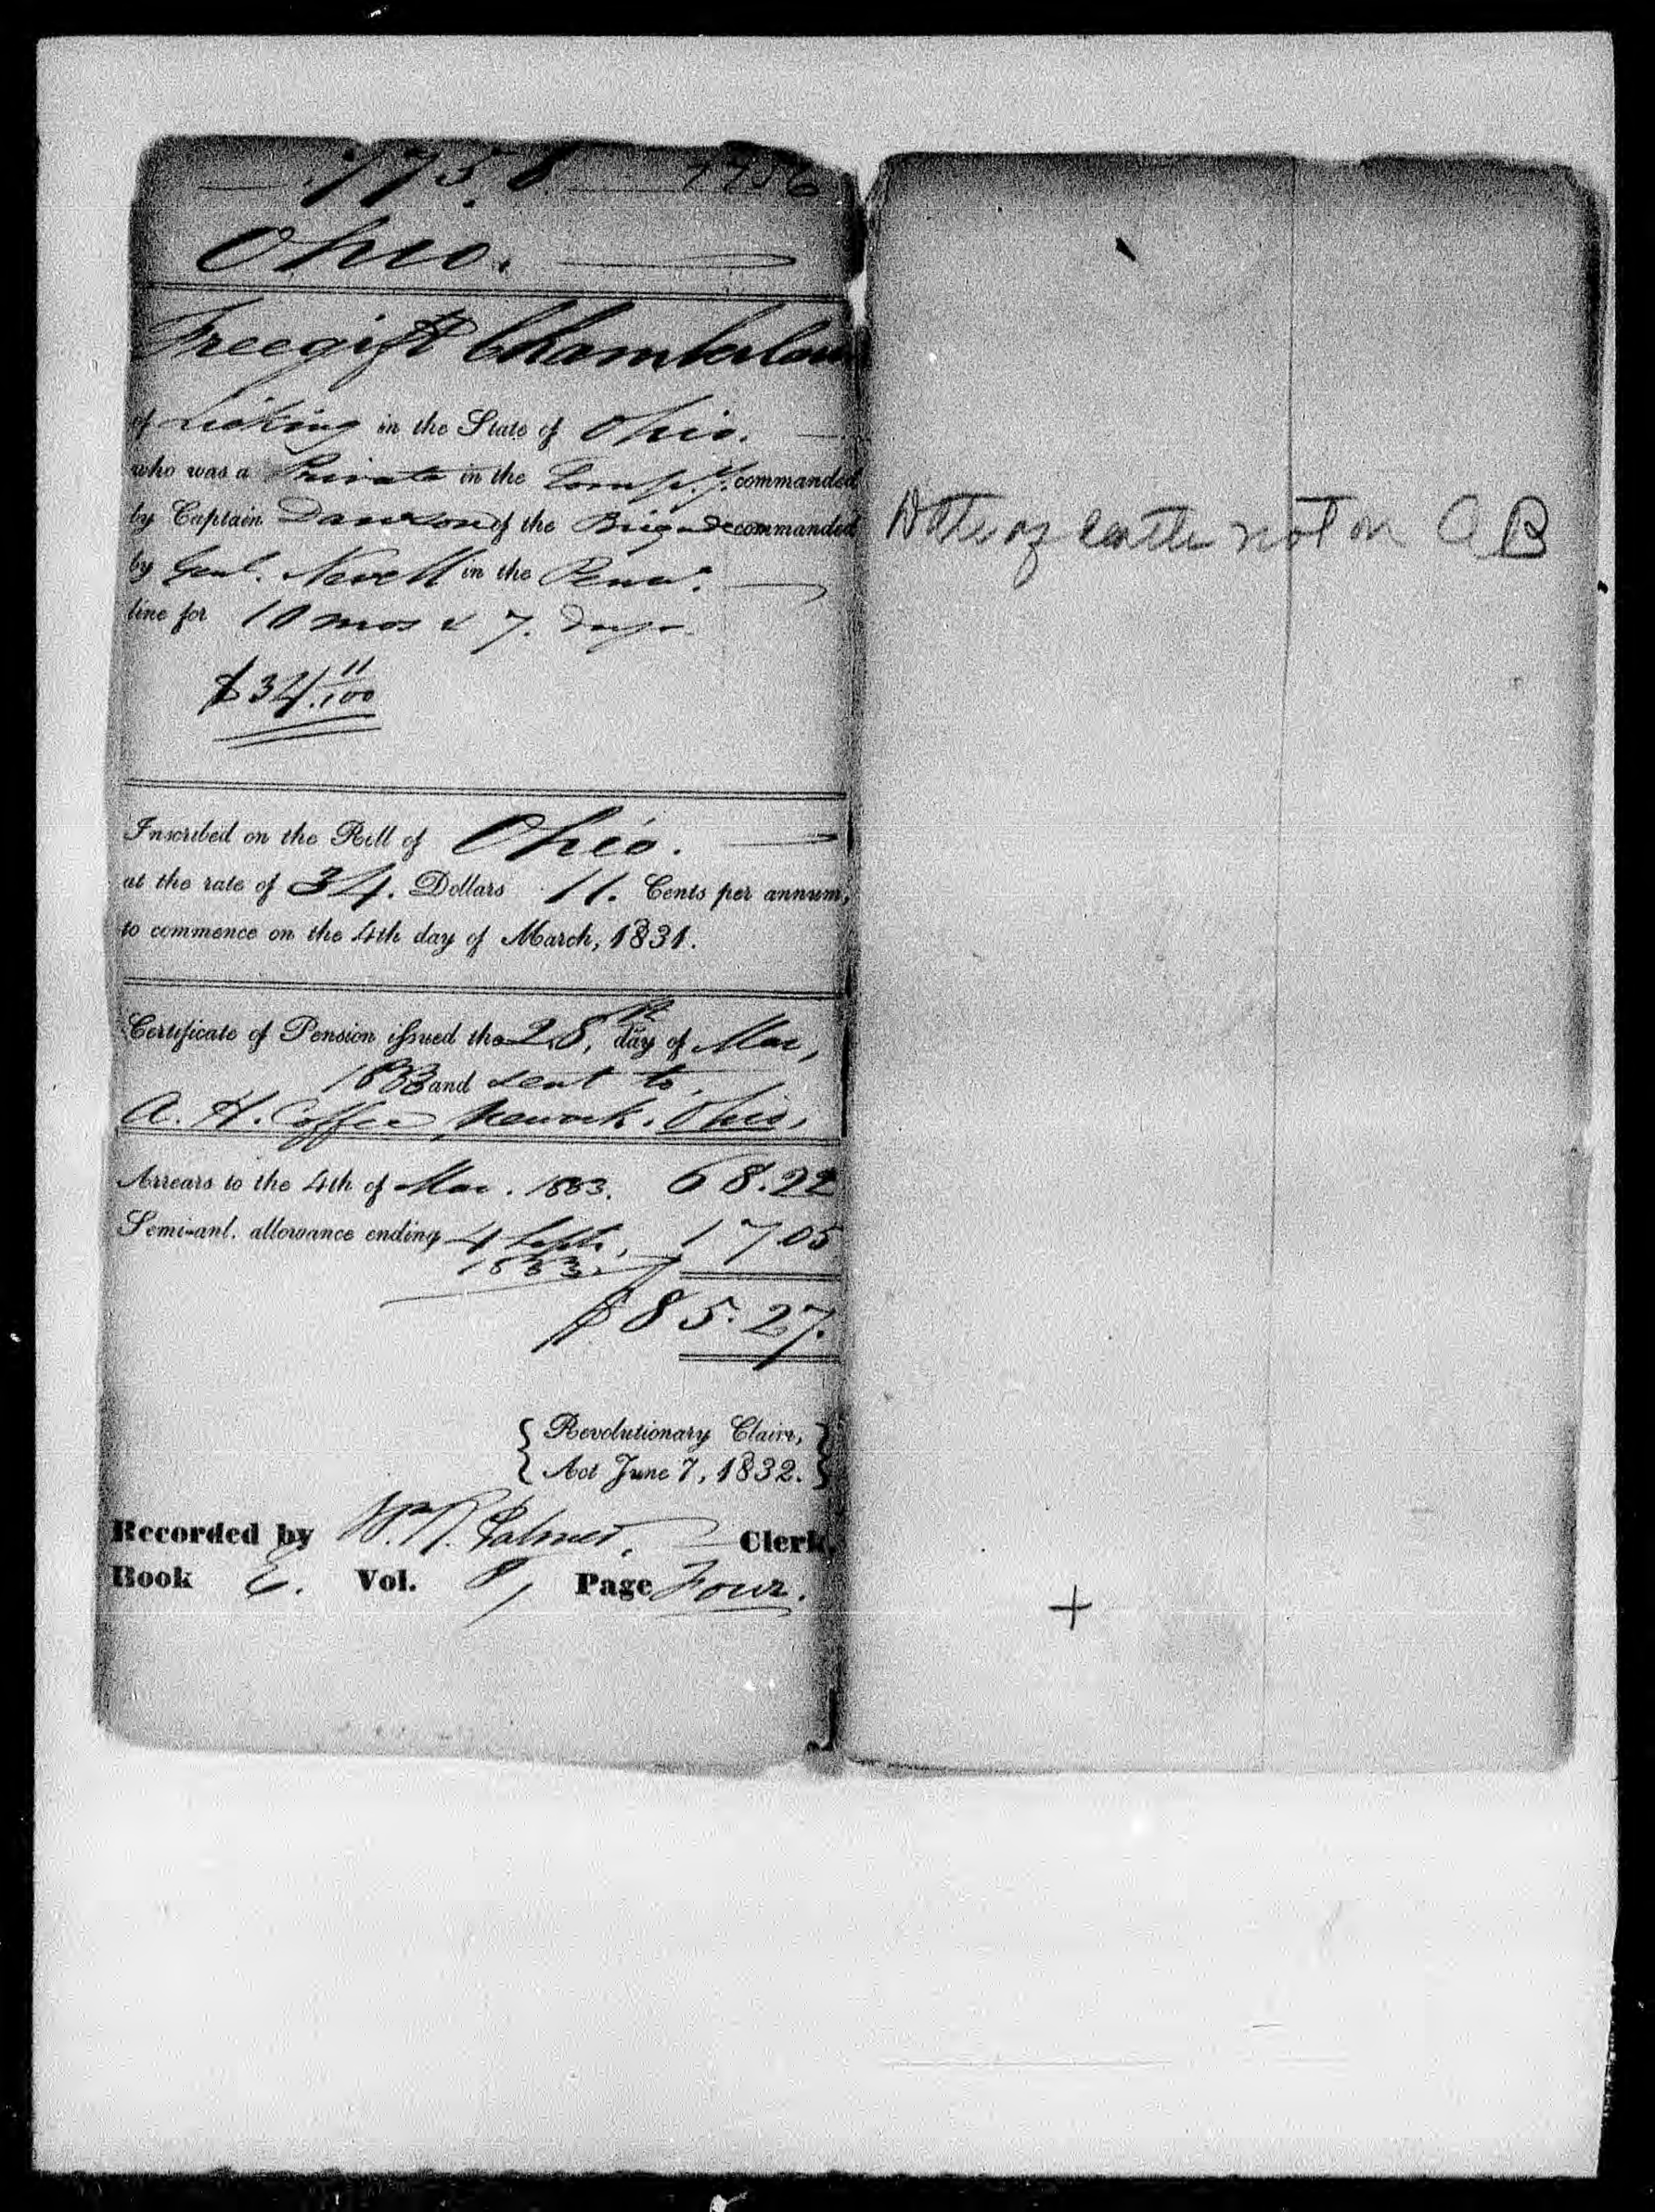7756    7756   
Ohio – 
Freegift Chamberlain  
of Licking in the State of Ohio  who was a Private in the Compy command by Captain Dawson of the Brigade commanded by Genl Nevill in the Penna line for 8 mo & 7 day 
$34. 11/100    
Inscribed on the Roll of Ohio at the rate of 34 Dollars 11 Cents per annum to commence on the 4th day of March, 1831. 
Certificate of Pension issued the 28 day of Mar 1833 and sent to A.H. Coffee Newark Ohio
Arrears to the 4th of Mar. 1833.   68.22    
Semi-anl allowance ending 4 Sept 1833   17.05     
$85.27
{Revolutionary Claim, Act June 7, 1832.}
Recorded By Wm. R. Palmer Clerk 
Book E  Vol. 8   Page Four 
Date of death not on AB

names: A H Coffee, Freegift Chamberlain, Dawson, Novell, Wm R Palmer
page: 2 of 18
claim: survivor's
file: S. 3151, Freegift Chamberlain, Penn.